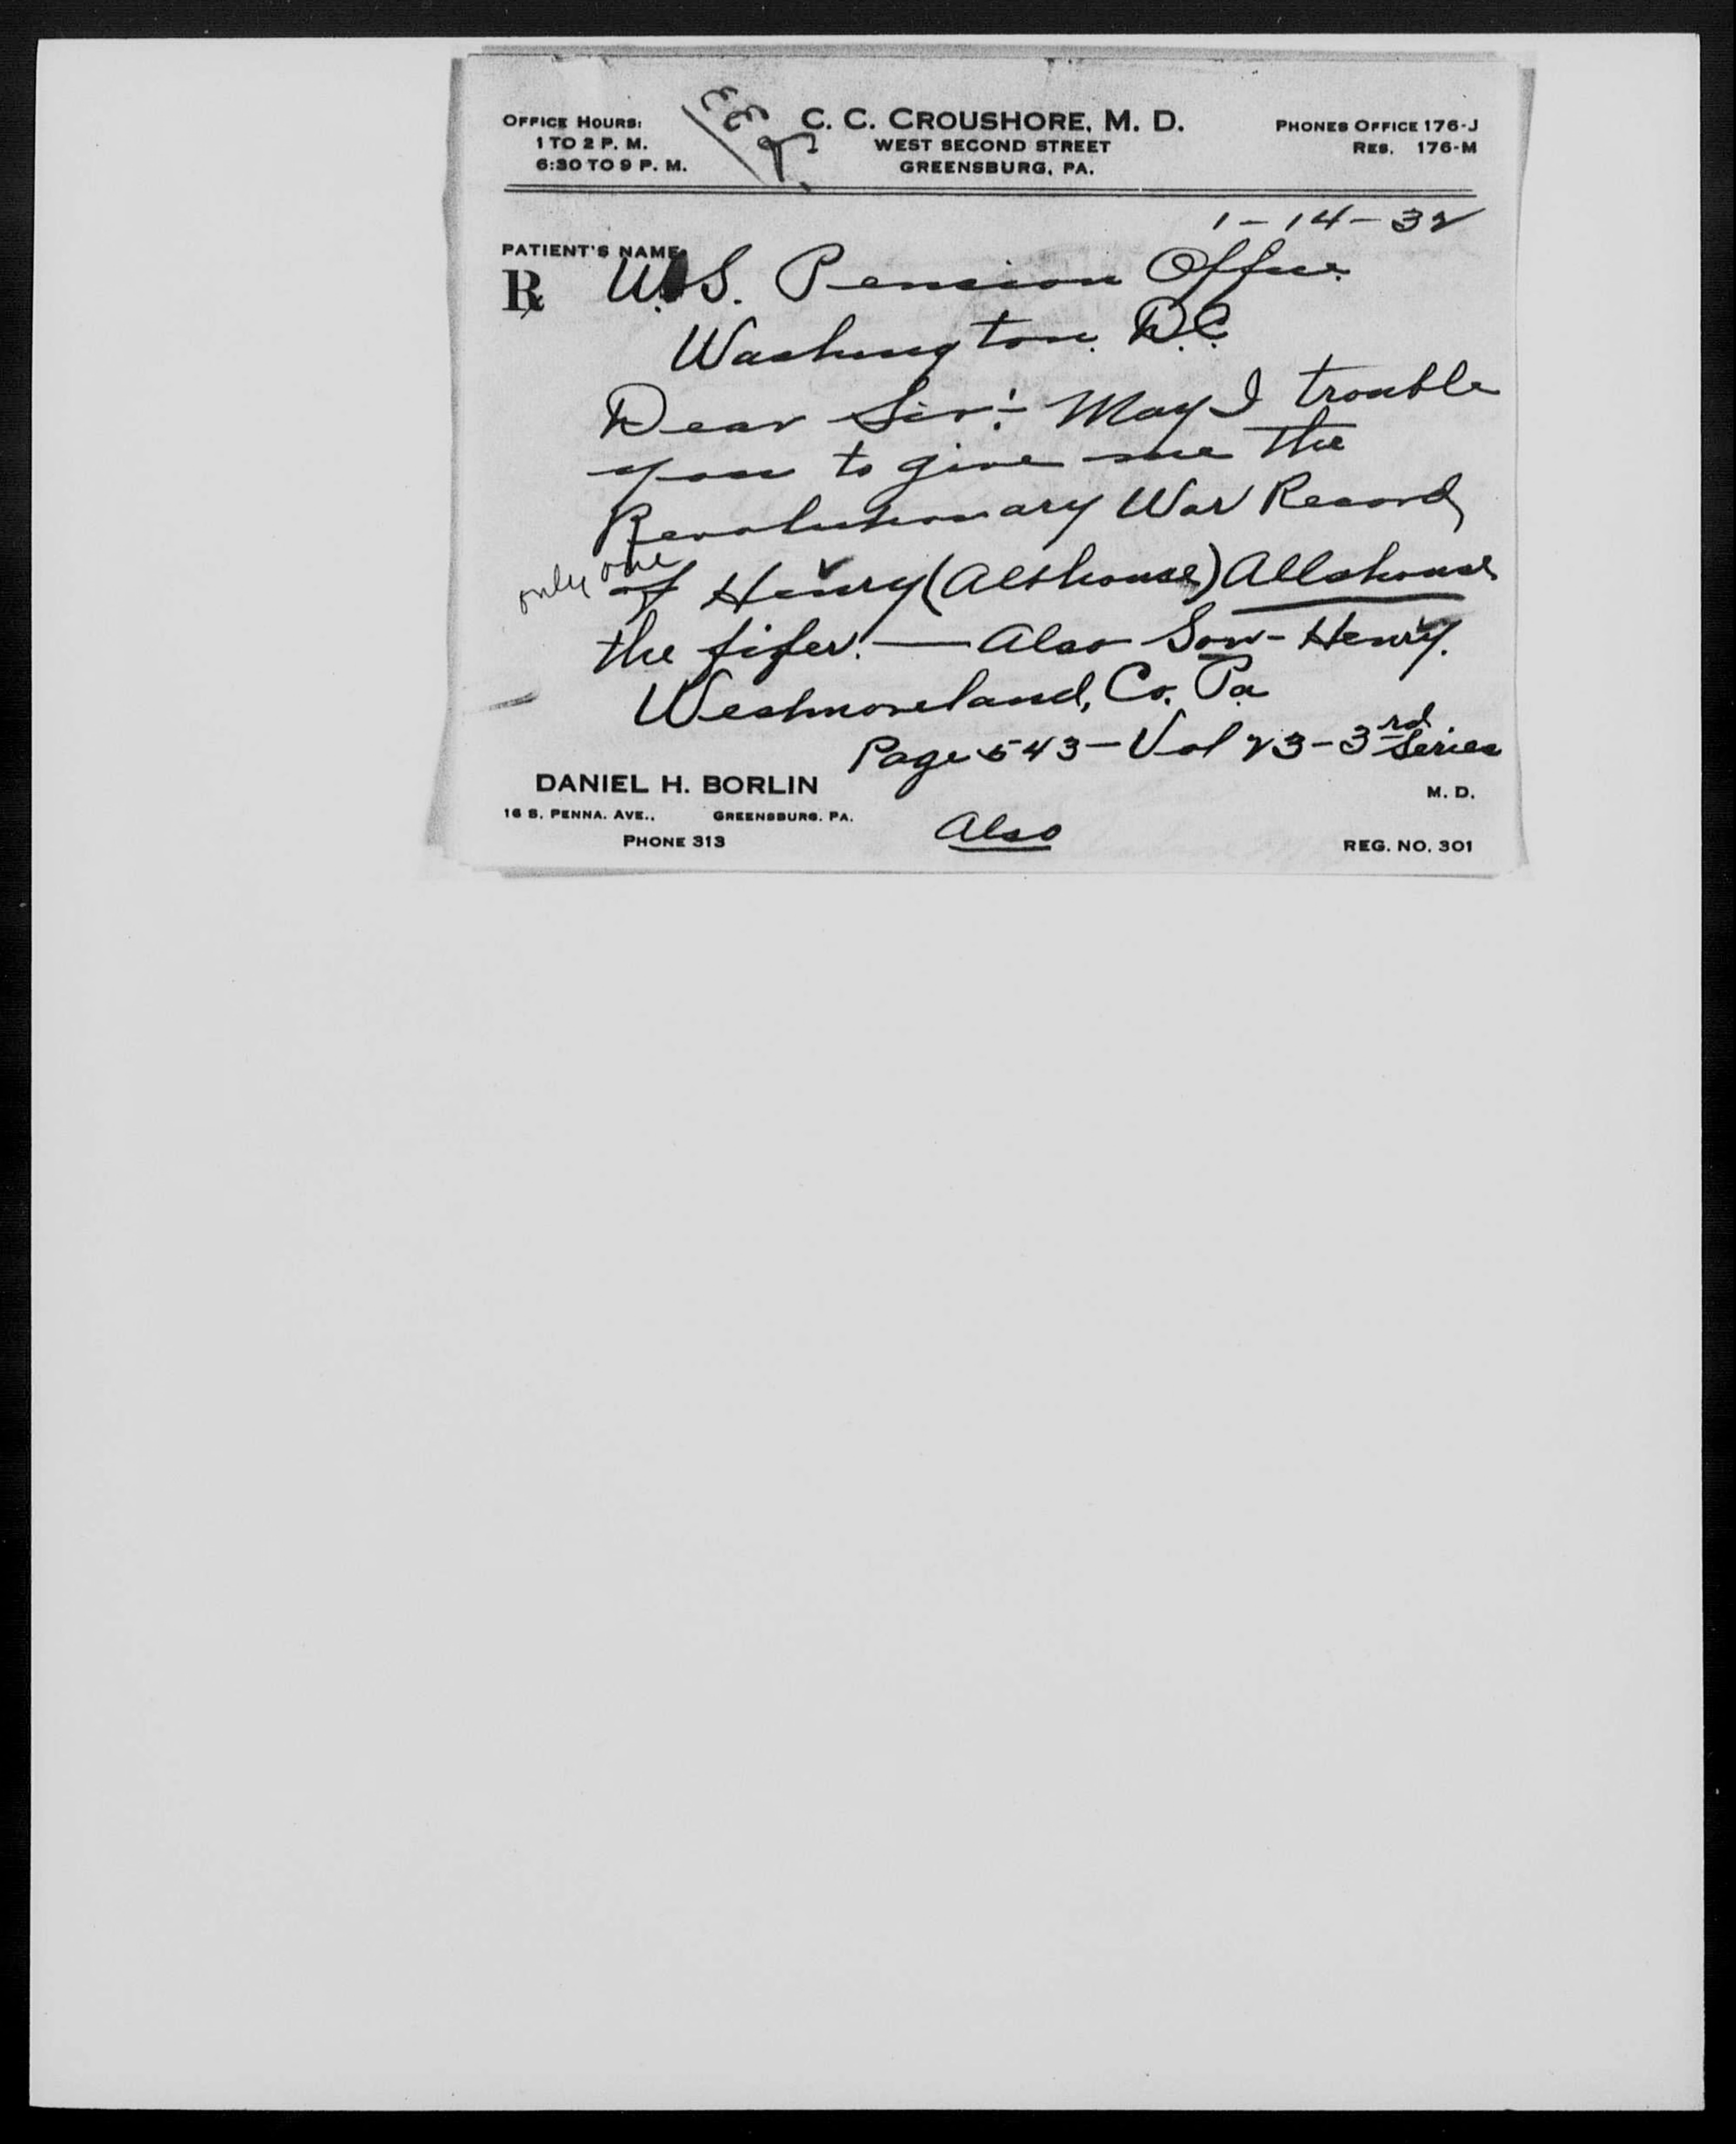OFFICE HOURS:
1 TO 2 P.M.
6:30 TO 9 P.M.
EEL.
C.C. Croushore, M.D.
WEST SECOND STREET
GREENSBURG, PA.
PHONE OFFICE 176-J
RES. 176-M
1-13-32
PATIENT'S NAME
Rx
U.S. Pension Office
Washington D.C.
Dear Sir - May I trouble
you to give me the 
Revolutionary War Record
only one 
of Henry (Alshouse)Allshouse the father- Also Son-Henry.
Westmoreland, Co. Pa
Page 543-Vol 23-3rd Series
DANIEL H. BORLIN
16 S. PENNA. AVE, 
GREENSBURG., PA
PHONE 313
Also
M.D.
REG. NO. 301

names: Henry, C C Croushore, Henry Alshouse, Henry Allshouse, Daniel H Borlin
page: 16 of 24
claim: survivor's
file: S. 2032, Henry Allshouse, Penn.